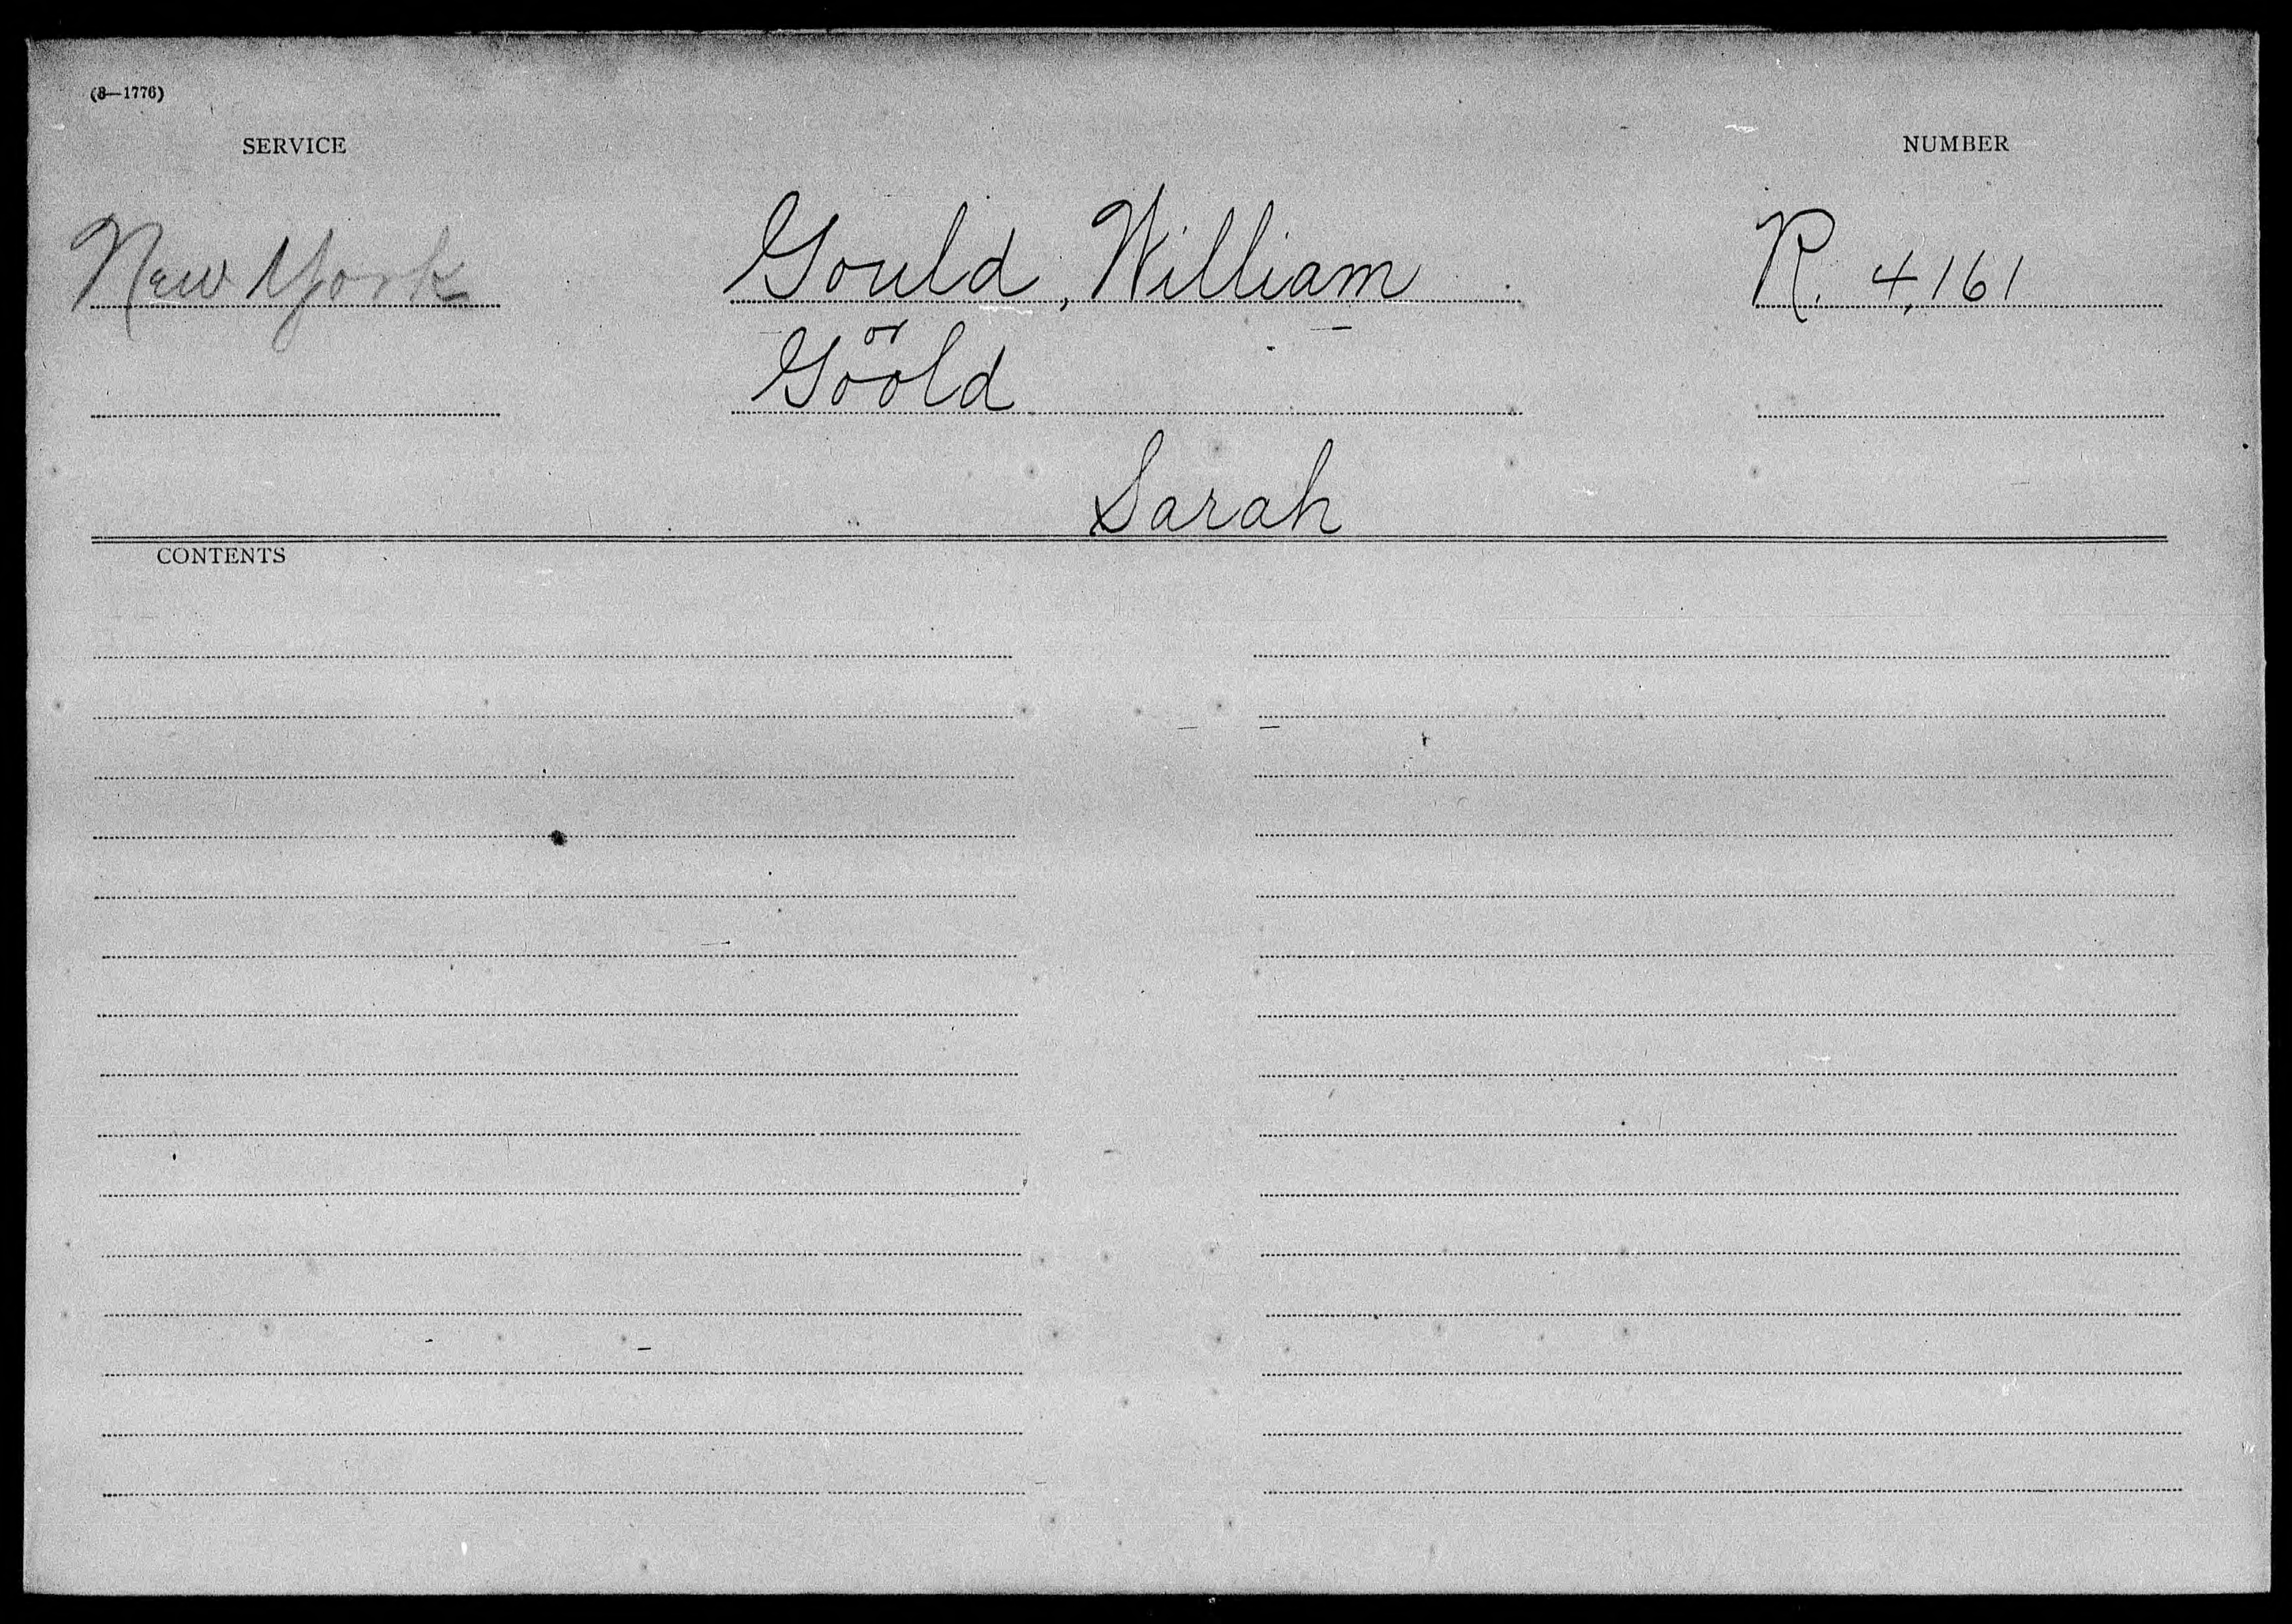Service

__New York__

__Gould, or Goold, William

Number
R. 4,161

Contents ___ Sarah____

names: William Goold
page: 1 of 20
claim: rejected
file: R. 4,161, William Gould, New York